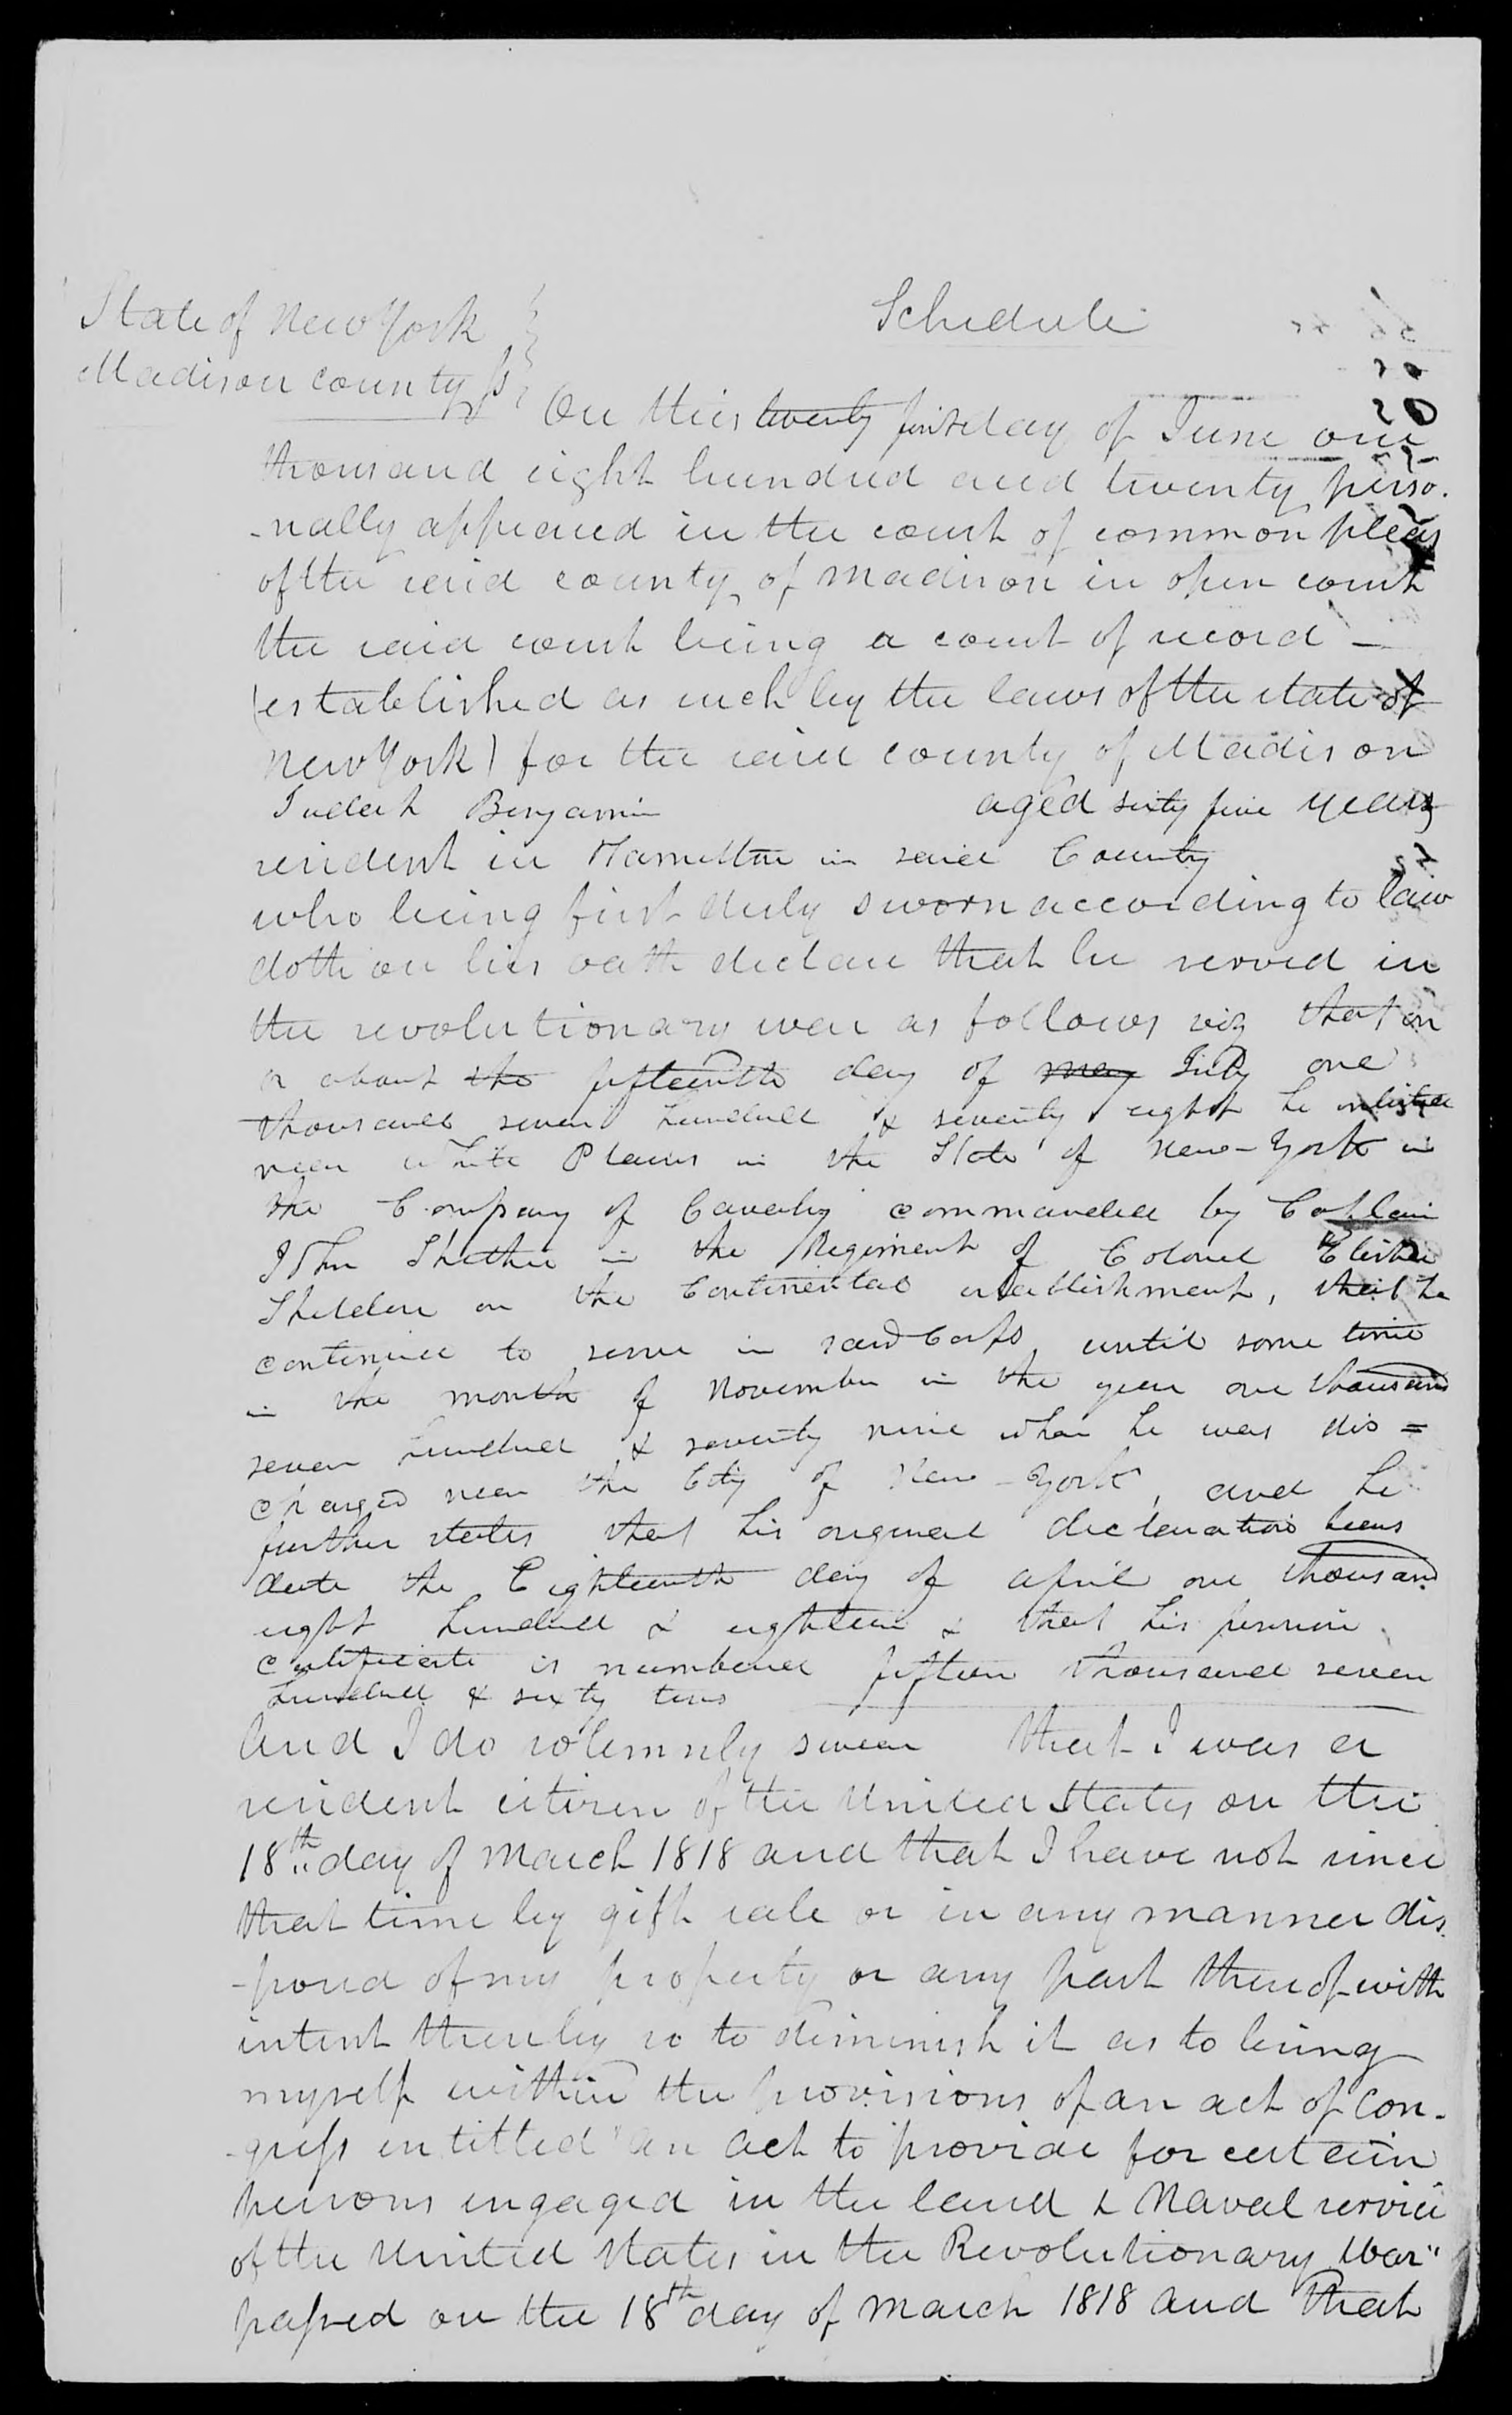Schedule
State of New York
Madison County SS.} On this twenty first day of June one thousand eight hundred and twenty personally appeared in the court of common pleas of the said County of Madison in open court the said court being a court of record (established as such by the laws of the state of New York) for the said County of Madison Judah Benjamin aged sixty five years resident in Hamilton in said County who being first duly sworn according to law doth on his oath declare that he served in the revolutionary war as follows viz  that on or about the fifteenth day of July one thousand seven hundred & seventy eight he enlisted near white Plains in the State of New York in the Company of Cavalry commanded by Captain John Shether in the  Regiment of Colonel Elisha Sheldon on the Continental establishment, that he continued to serve in said Corps until some time in the month of November in the year one thousand seven hundred & seventy nine when he was discharged near the City of New York, and he further states that his original declaration bears date the Eighteenth day of April one thousand eight hundred & eighteen & that his pension certificate is numbered fifteen thousand seven hundred & sixty two
And I do solemnly swear that I was a resident citizen of the United States on the 18th day of March 1818 and that I have not since that time by gift sale or in any manner disposed of my property or any part thereof with intent thereby so to diminish it as to bring myself within the provisions of an act of Congress entitled "an act to provide for certain persons engaged in the land & naval service of the United States in the Revolutionary War" passed on the 18th day of March 1818 and that [end of page]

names: Elisha Shelden, John Shather, Judah Benjamin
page: 4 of 34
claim: survivor's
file: S. 39981, Judah Benjamin, Continental (N. H. And N. Y.)